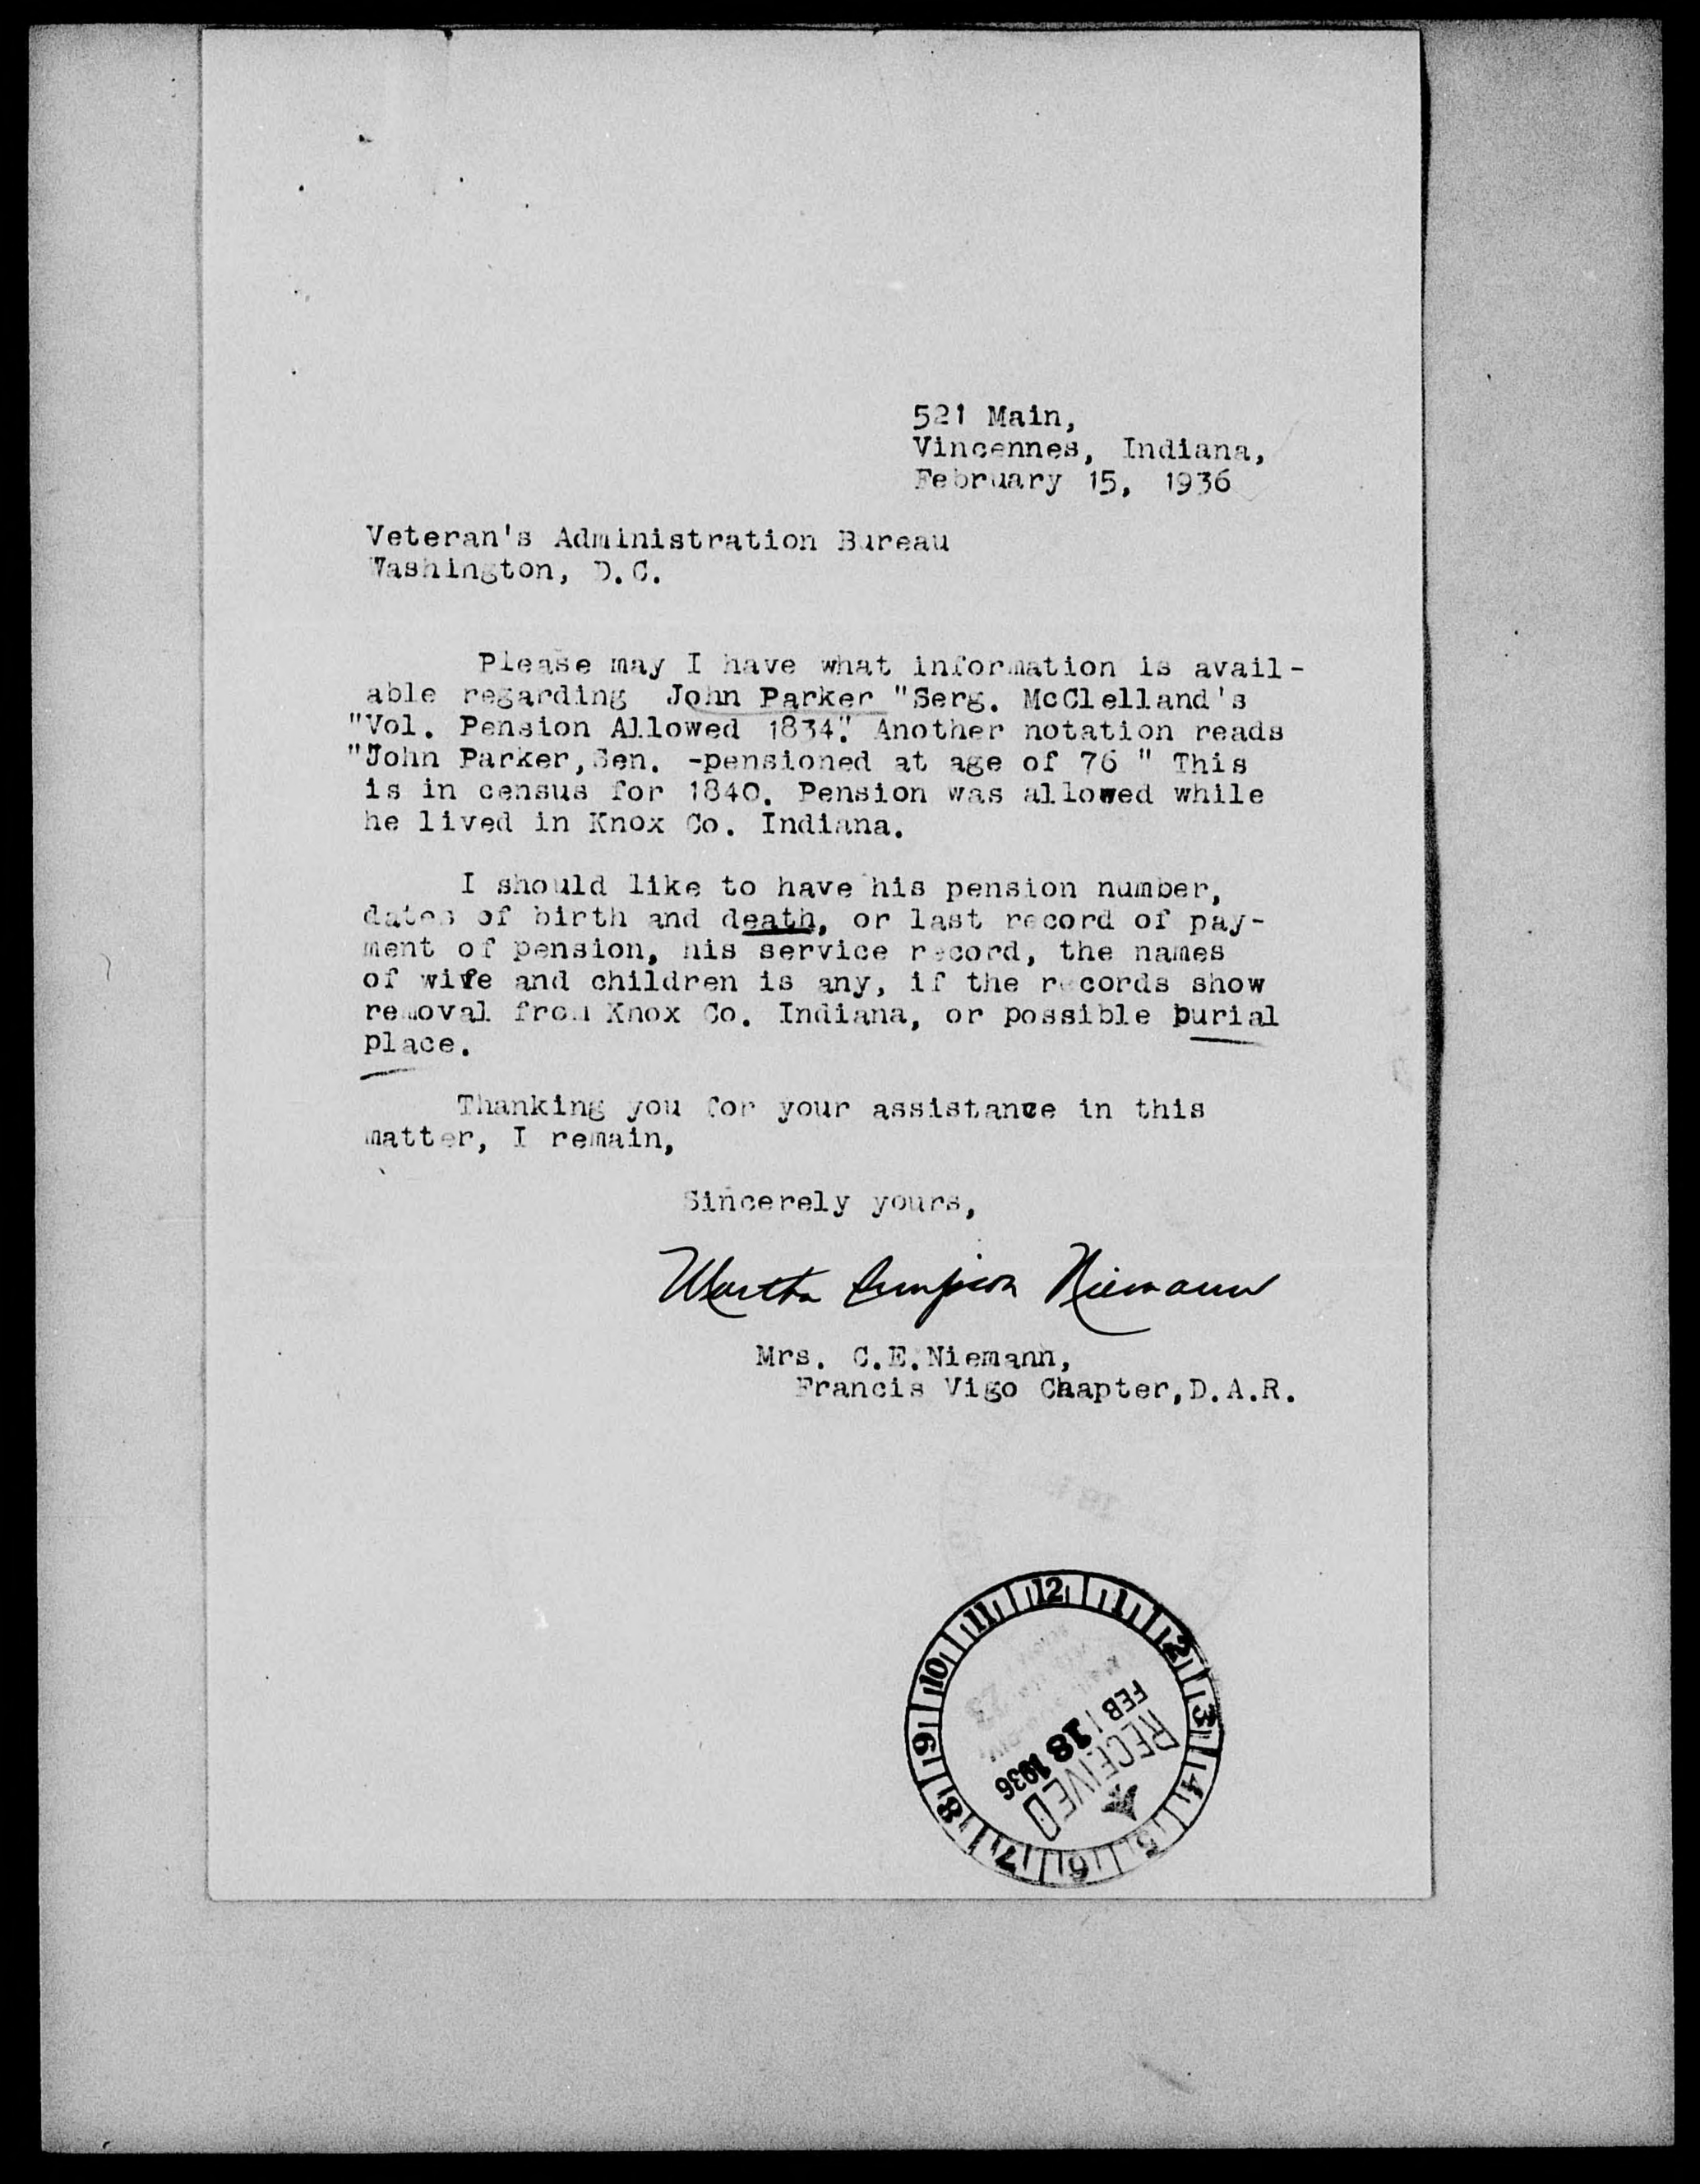521 Main,
Vincennes, Indiana,
February 15, 1936

Veteran's Administration Bureau
Washington, D.C.

Please may I have what information is available regarding John Parker "Serg. McClelland's Vol. Pension Allowed 1834." Another notation reads "John Parker, Sen.  -pensioned at age of 76 " This is in census for 1840. Pension was allowed while he lived in Knox Co. Indiana.

I should like to have his pension number, dates of birth and death, or last record of payment of pension, his service record, the names of wife and children is any, if the records show removal from Knox Co. Indiana, or possible burial place.

Thanking you for your assistance in this matter, I remain,

Sincerely yours,

Martha Simpson Niemann

Mrs. C.E. Niemann,
Francis Vigo Chapter, D.A.R.

RECEIVED
FEB 18 1936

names: John Parker; Martha Simpson Niemann; [BLANK] Mc Clelland; C E Niemann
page: 17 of 21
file: Old War Inv. File 26332, for John Parker, Other